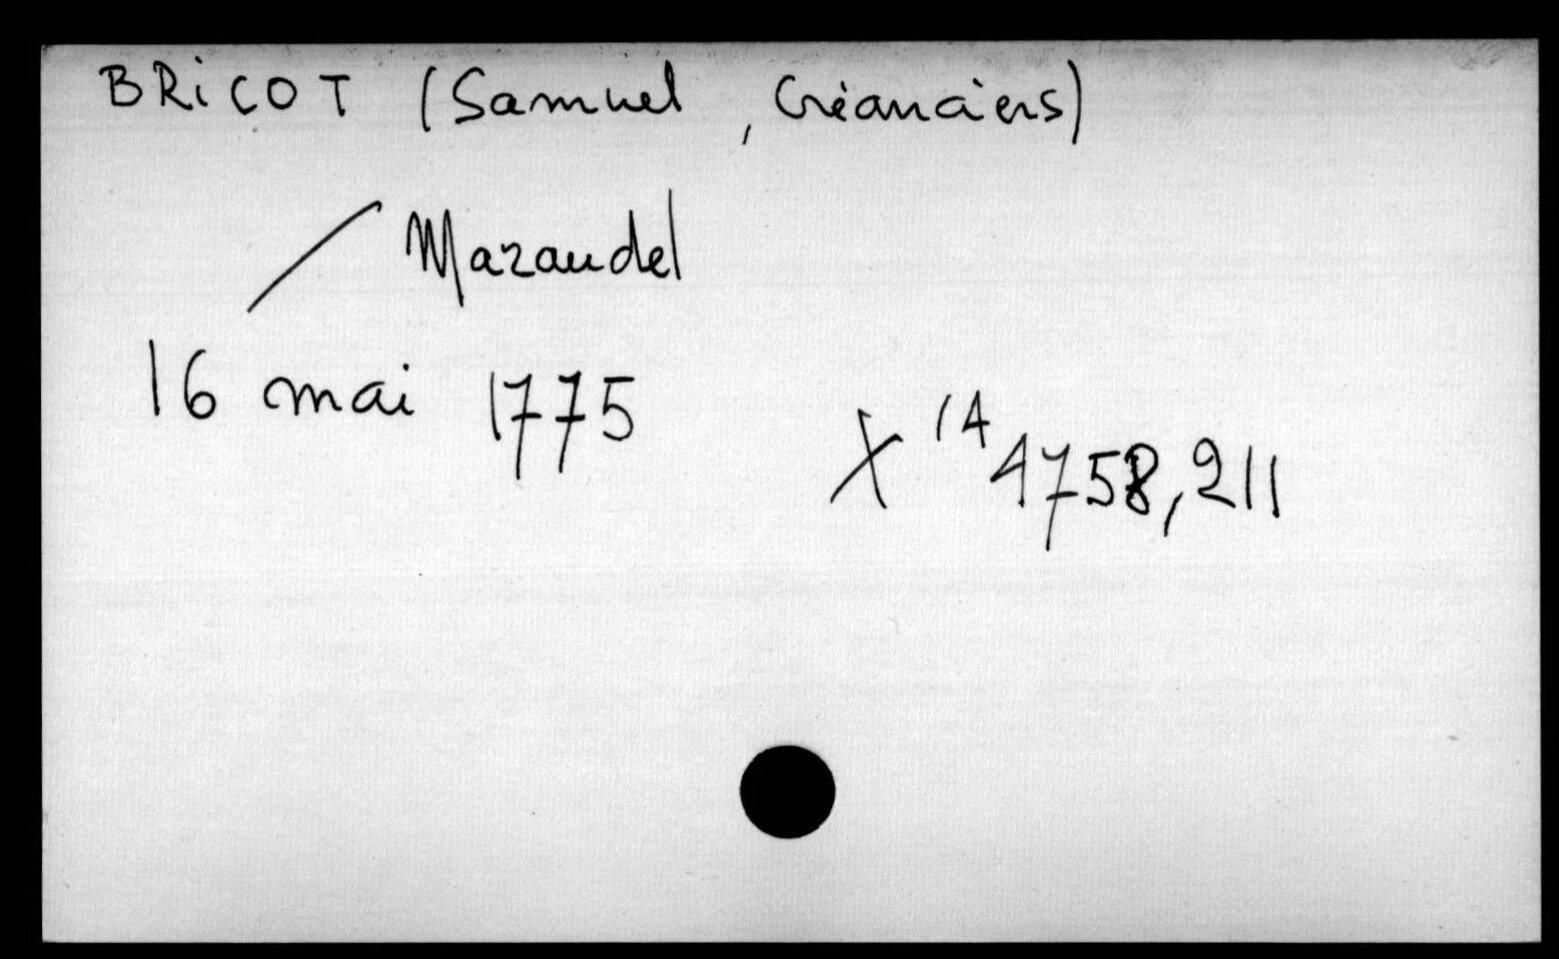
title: BRICOT (Samuel, créanciers)
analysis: Contre Mazaudel
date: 16 mai 1775
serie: X1A
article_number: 4758
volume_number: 211
